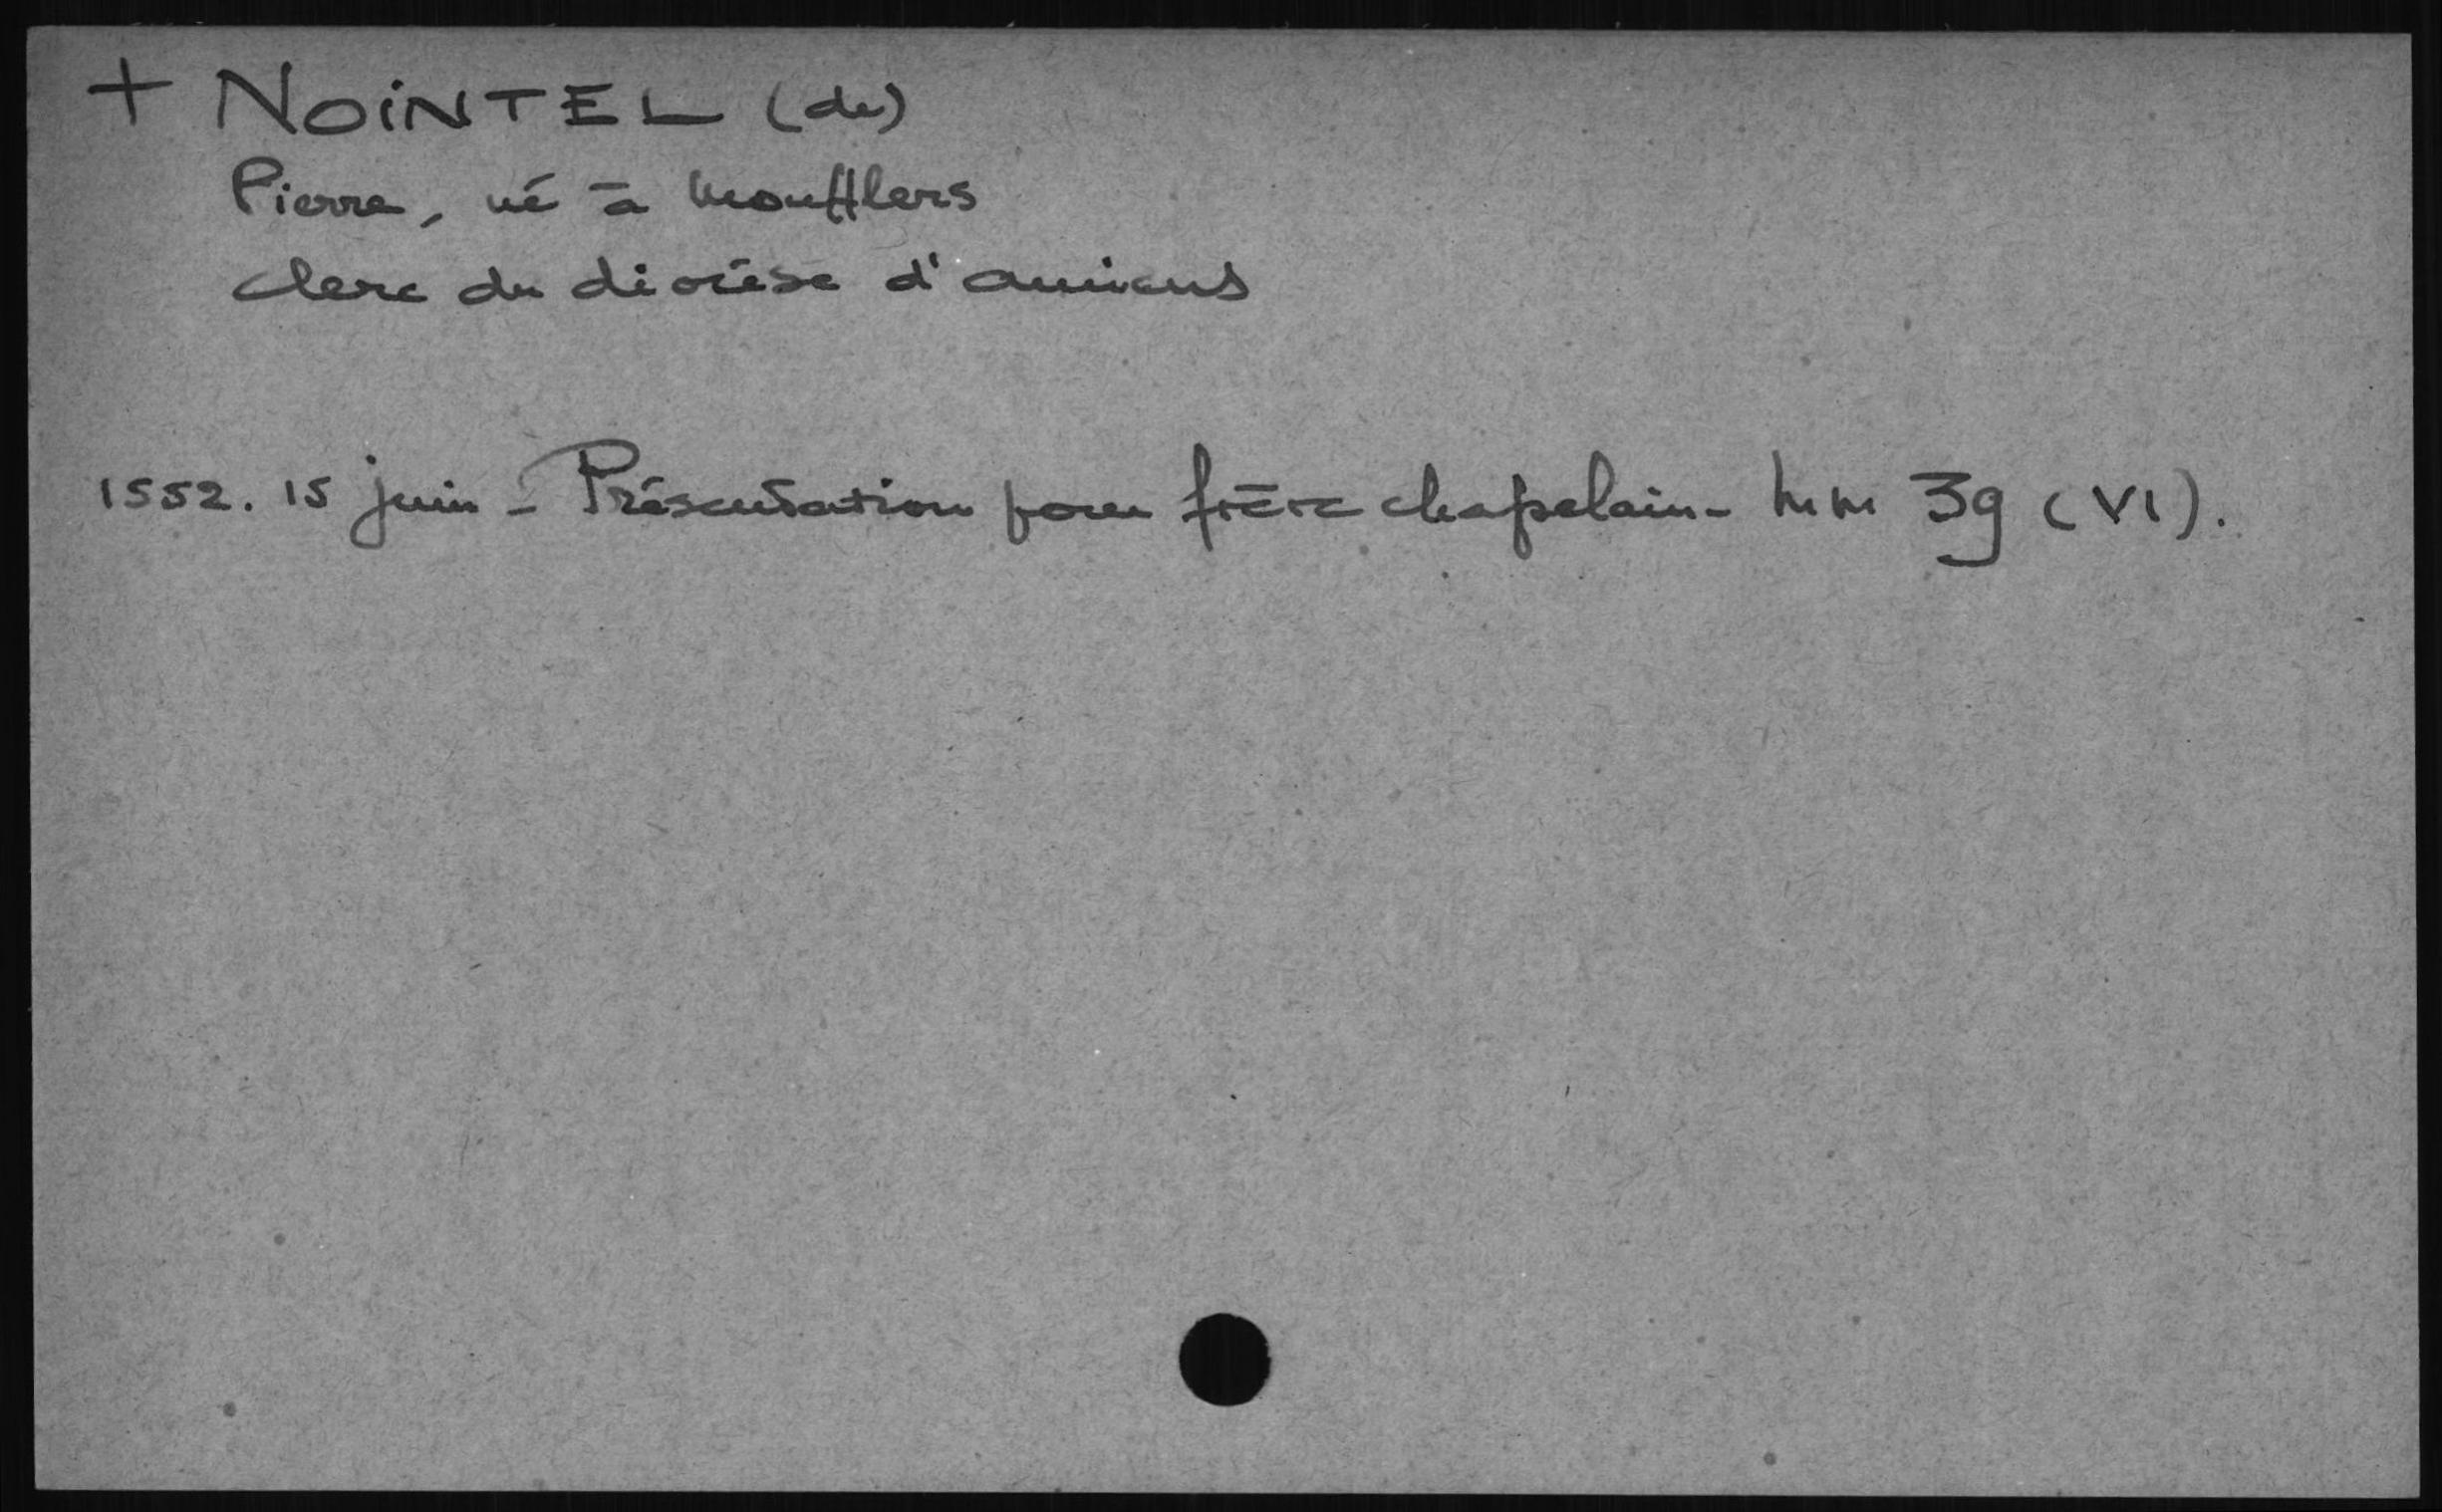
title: + NOINTEL (de) Pierre, né à Moufflers clerc du diocèse d'Amiens
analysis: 1552, 15 juin. Présentation pour frère chapelain. MM 39 (VI).
